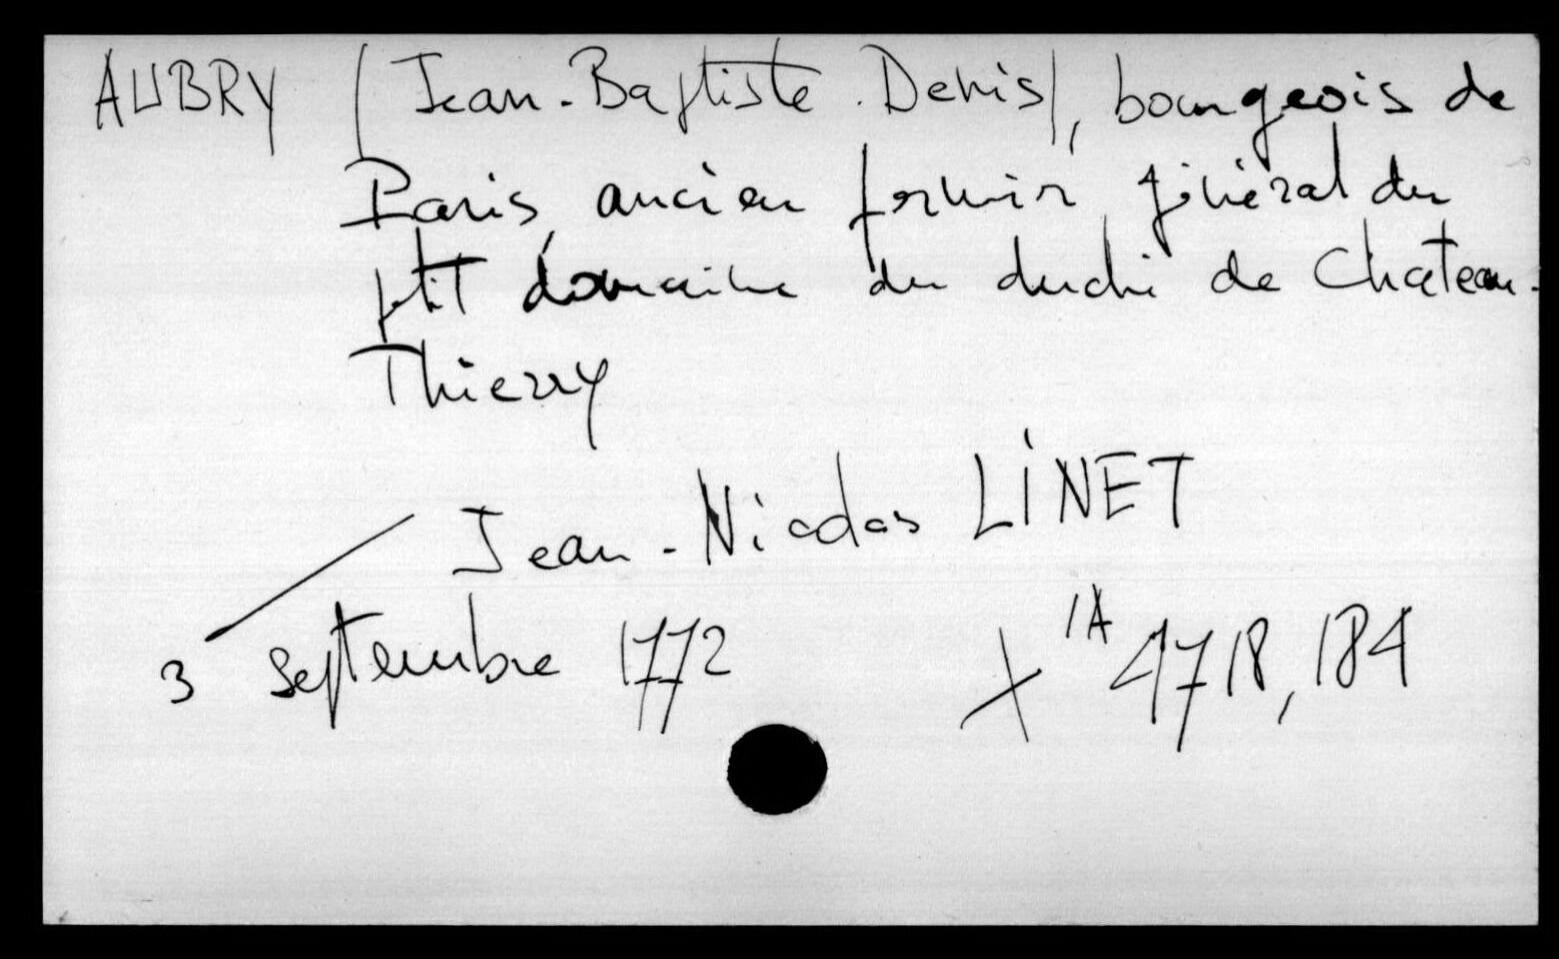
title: AUBRY (Jean-Baptiste Denis), bourgeois de Paris, ancien forain général du petit domaine du duché de Château-Thierry
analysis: Contre Jean-Nicolas LINET
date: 3 septembre 1772
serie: X1A
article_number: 4718
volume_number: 184
